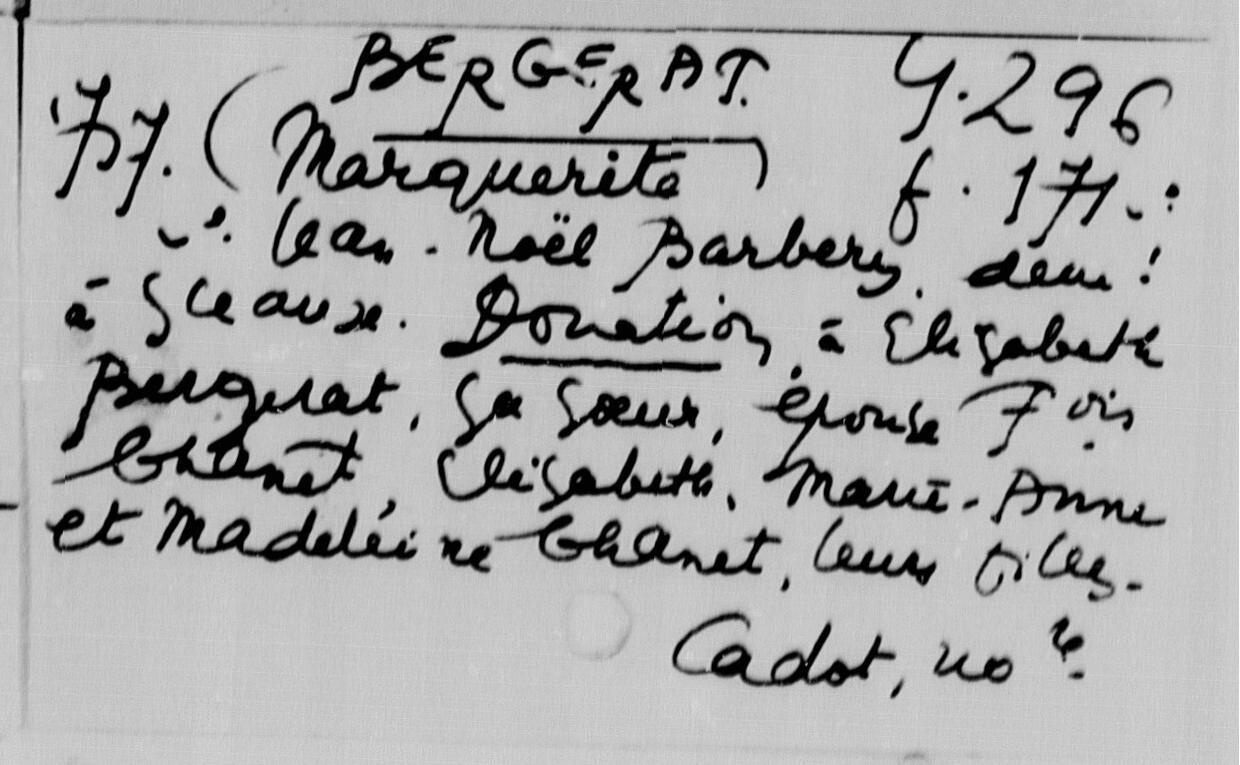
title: BERGERAT (Marguerite)
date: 1707
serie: Y
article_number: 296
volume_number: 171v
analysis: Veuve Jean-Noël Barbery, demeurant à Sceaux. Donation à Elisabeth Bergerat, sa sœur, épouse François Chanet, Elisabeth, Marie-Anne et Madeleine Chanet, leurs filles. Cadot, notaire.
